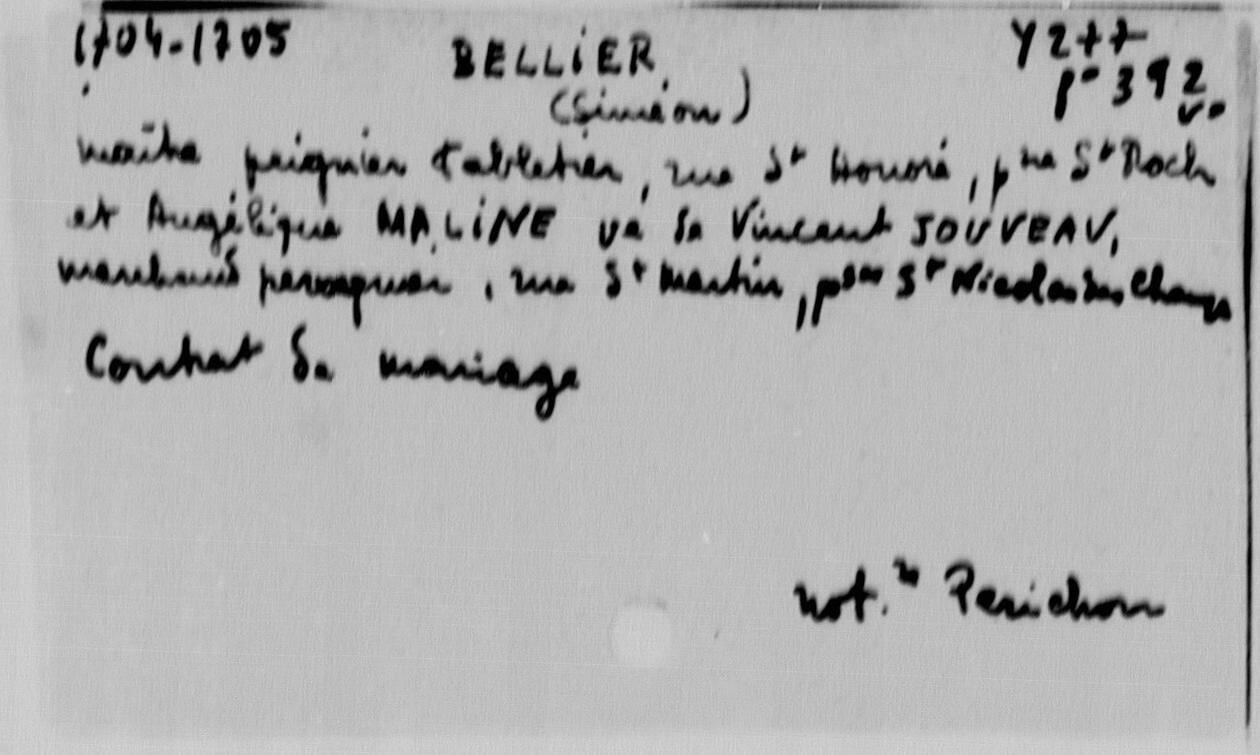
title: BELLIER (Siméon)
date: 1704-1705
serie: Y
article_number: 277
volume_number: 392v
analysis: Maître péignier tabletier, rue Saint-Honoré, paroisse Saint-Roch et Angélique MALINE Veuve de Vincent JOUVEAU, marchand perruquier, rue Saint-Martin, paroisse Saint-Nicolas-des-Champs. Contrat de mariage notaire Perichon
